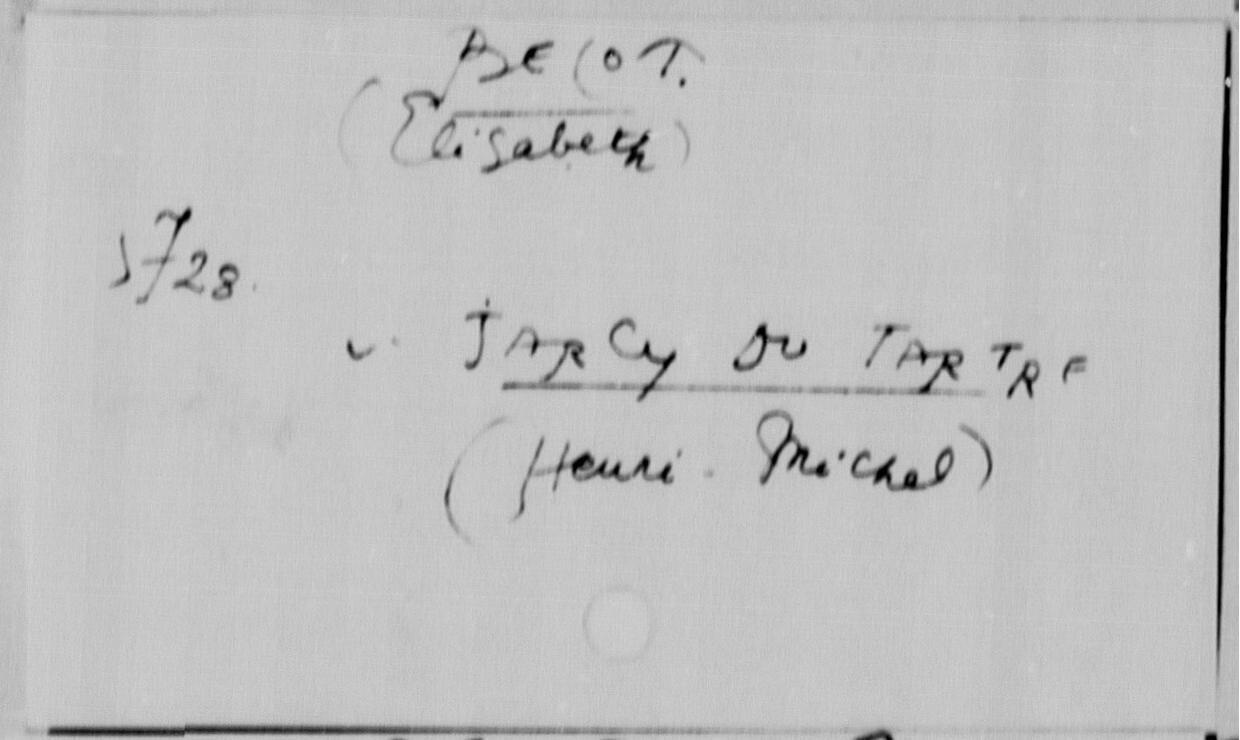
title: BELOT (Élisabeth)
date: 1728
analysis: Voir JARCY DU TARTRE (Henri-Michel)
